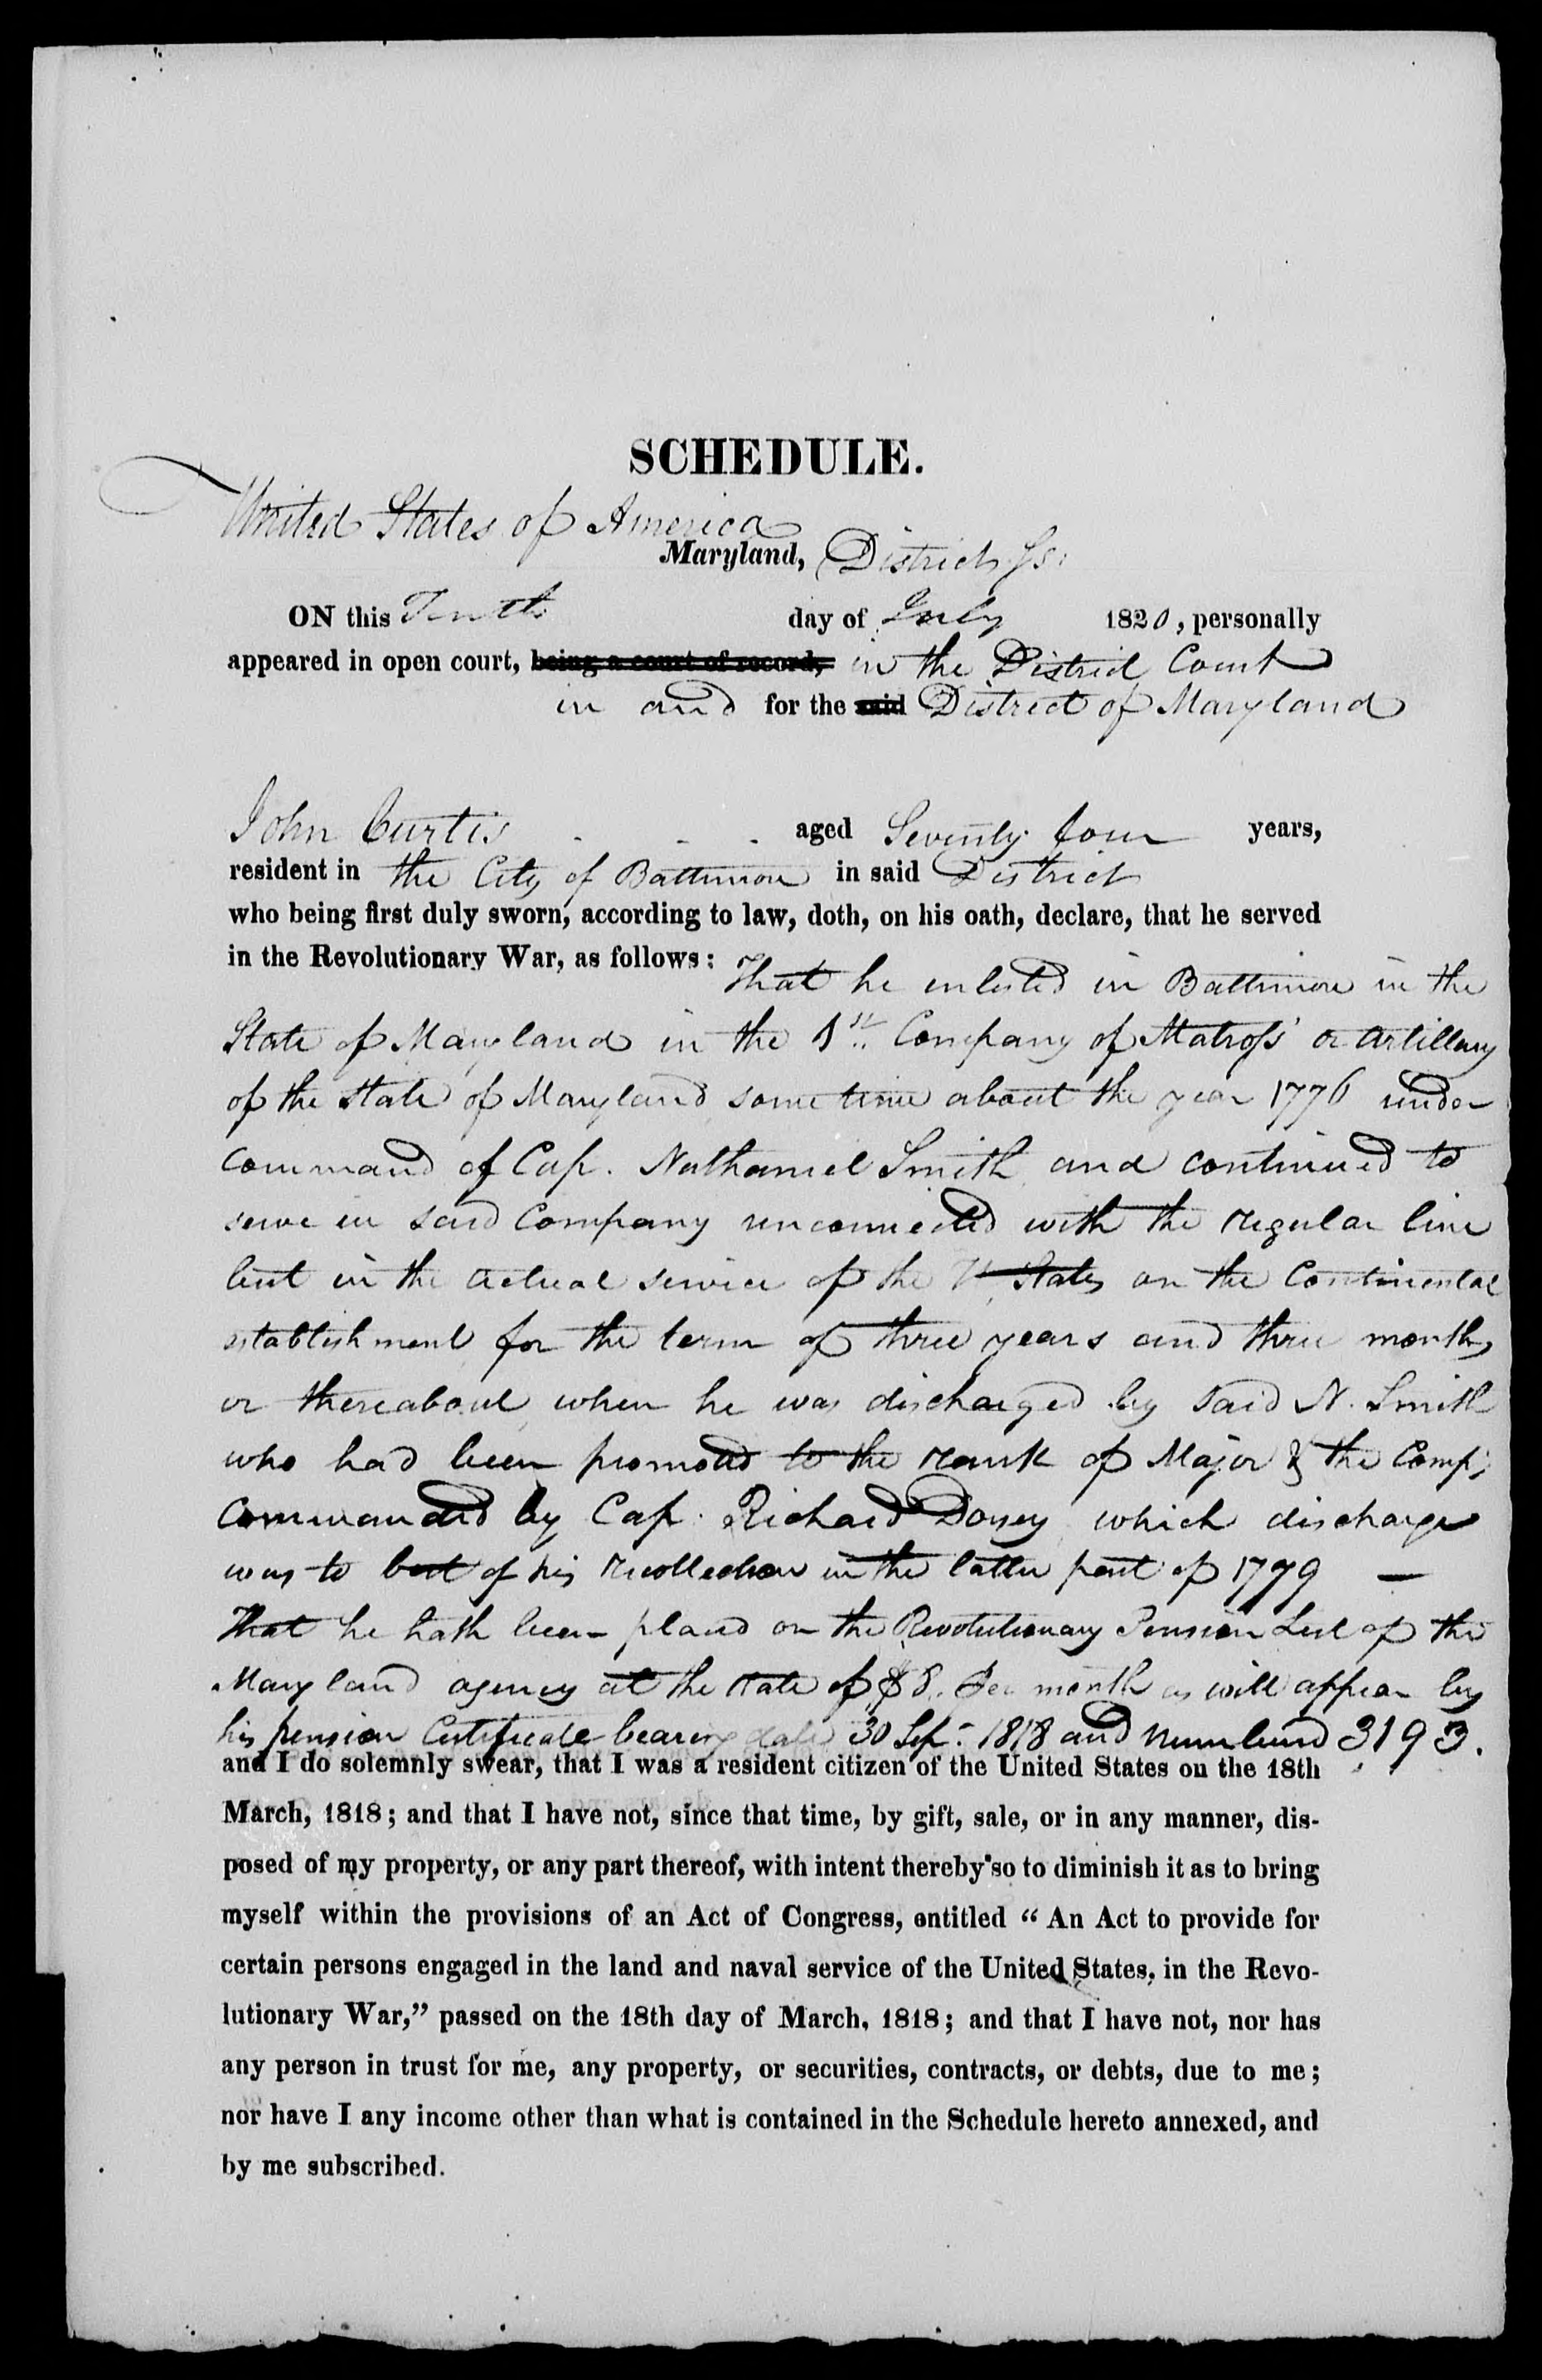SCHEDULE.
United States of America  Maryland District ss:
ON this Tenth day of July 1820, personally appeared in open court, in the District Court in and for the District of Maryland  John Curtis aged Seventy four years, resident in the City of Baltimore in said District who being first duly sworn, according to law, doth, on his oath, declare, that he served in the Revolutionary War, as follows: that he enlisted in Baltimore in the State of Maryland in the 1st Company of Matross or Artillary of the State of Maryland some time about the year 1776 under command of Capt. Nathaniel Smith and continued to serve in said company unconnected with the regular line but in the actual service of the U States on the Continental establishment for the term of three years and three months or thereabout when he was discharged by said N. Smith who had been promoted to the rank of Major & the Compy Commanded by Capt. Richard Dorsey which discharge was to best of his recollection in the latter part of 1779 -- That he hath been placed on the Revolutionary Pension List of the Maryland agency at the State of $8 per month as will appear by his pension certificate bearing date 30 Sept. 1818 and numbered 3,193.  and I do solemnly swear, that I was a resident citizen of the United States on the 18th March, 1818; and that I have not, since that time, by gift, sale, or in any manner, disposed of my property, or any part thereof, with intent thereby so to diminish it as to bring myself within the provisions of an Act of Congress, entitled "An Act to provide for certain persons engaged in the land and naval service of the United States, in the Revolutionary War,” passed on the 18th day of March, 1818; and that I have not, nor has any person in trust for me, any property, or securities, contracts, or debts, due to me; nor have I any income other than what is contained in the Schedule hereto annexed, and by me subscribed.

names: John Curtis, Nathaniel Smith, Richard Dorsey, N Smith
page: 5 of 26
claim: survivor's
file: S. 34,725, John Curtis, Md.